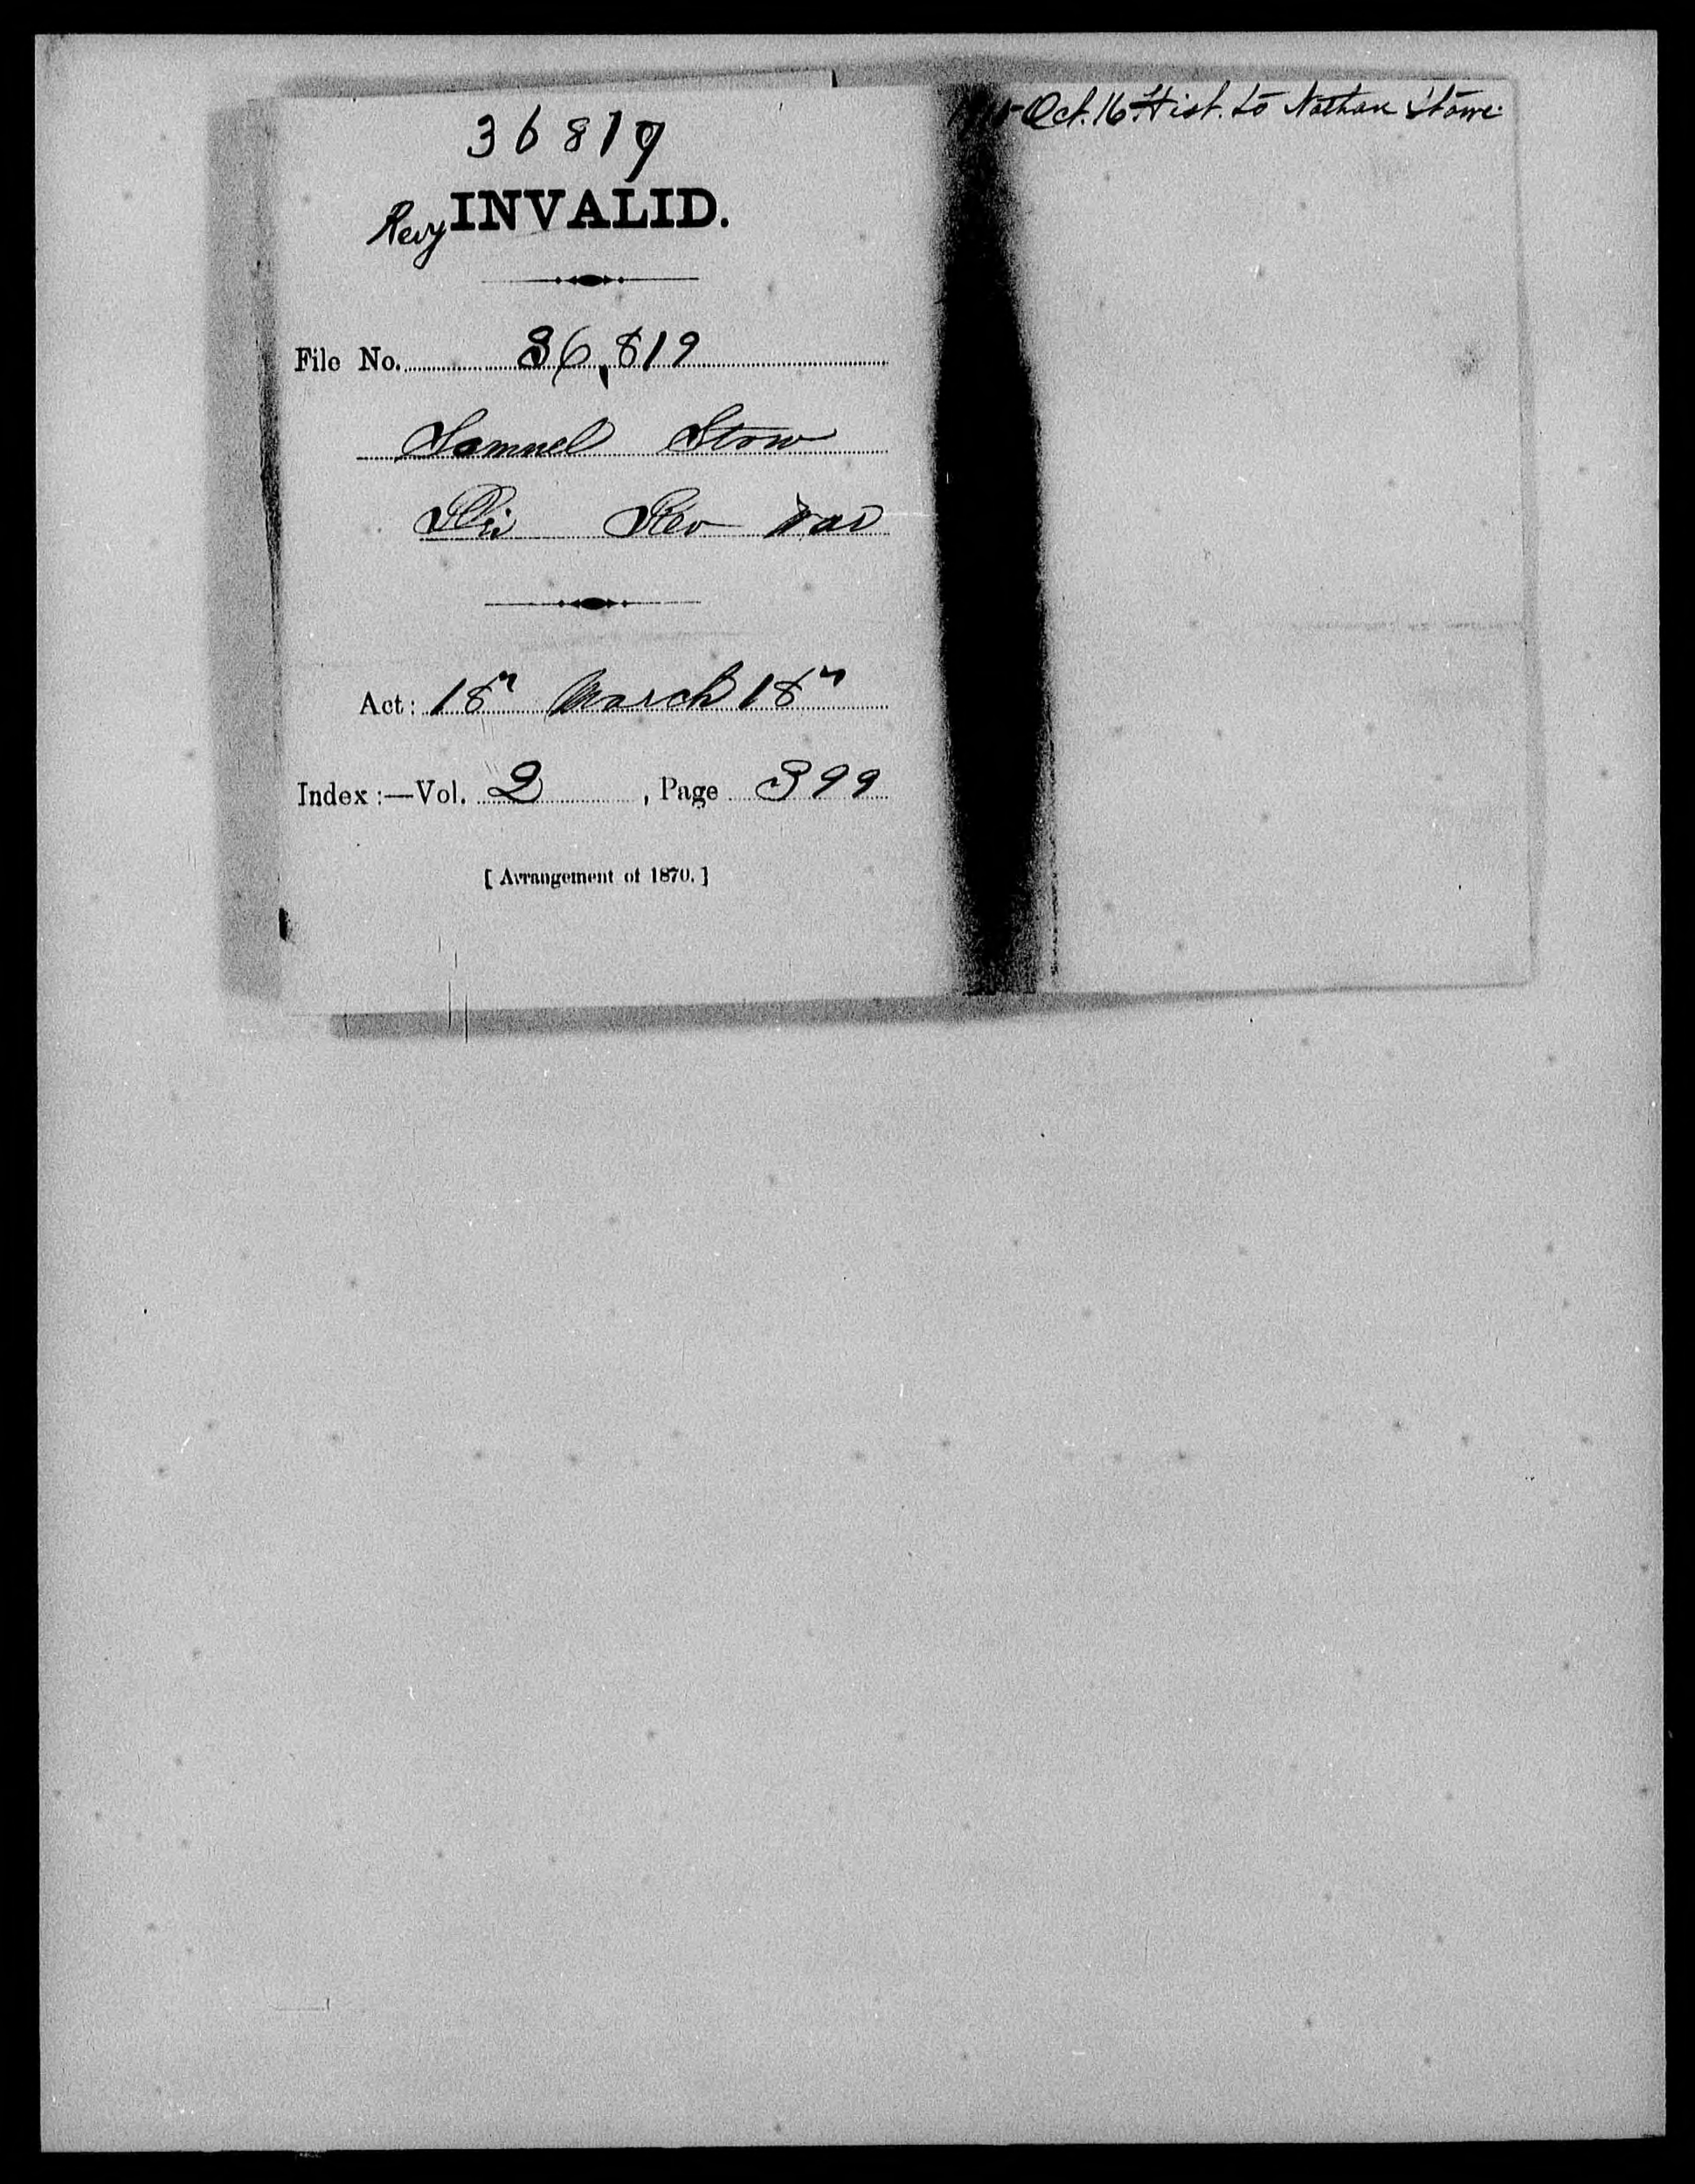36819
Rev'y
INVALID

File No. 36,819
Samuel Stow
Priv., Rev. War

Act 18th March 1818
Index: - Vol. 2, Page 399

[Arrangement of 1870]

Oct. 16 Hist. to Nathan Stowe.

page: 10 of 42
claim: survivor's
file: S. 36,819, for Samuel Stow, Connecticut